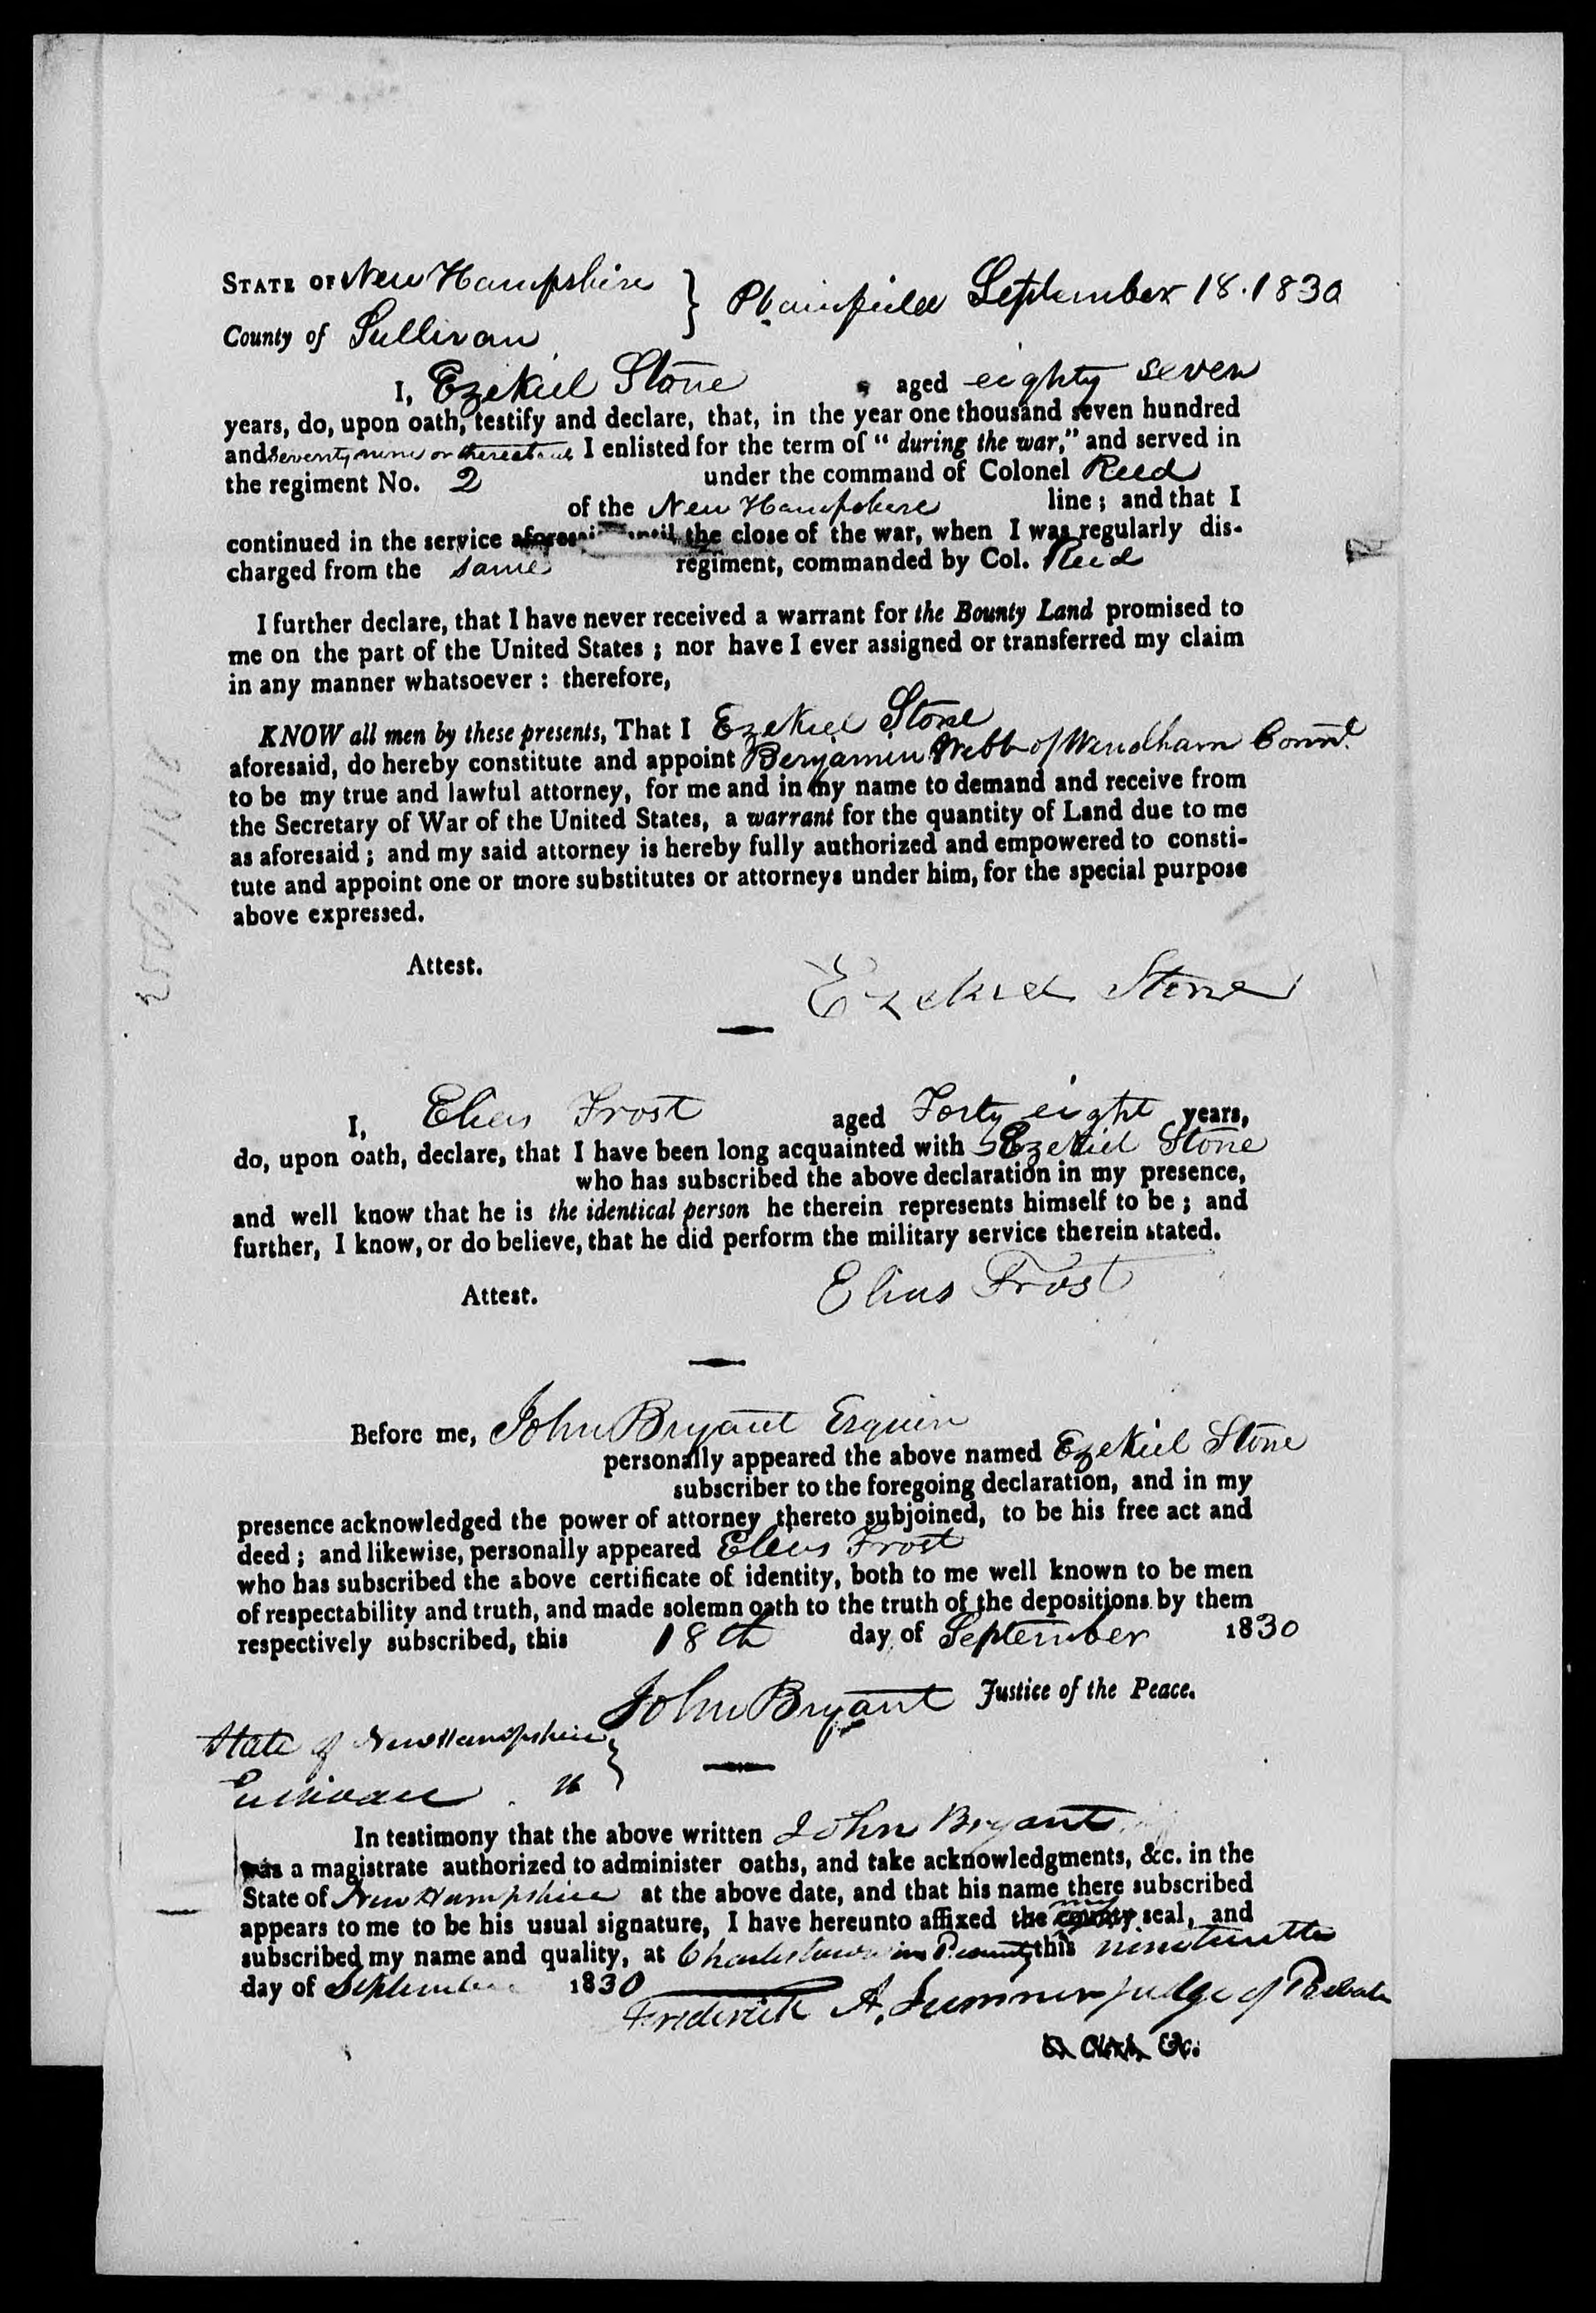STATE OF New Hampshire  )  Plainfield
County of Sullivan              )  September 18, 1830

I, Ezekiel Stone aged eighty seven years, do, upon oath, testify and declare, that, in the year one thousand seven hundred and seventy nine or thereabout I enlisted for the term of "during the war," and served in the regiment No. 2 under the command of Colonel Reed of the New Hampshire line; and that I continued in the service aforesaid until the close of the war, when I was regularly discharged from the same regiment, commanded by Col. Reed

I further declare, that I have never received a warrant for the Bounty Land promised to me on the part of the United States; nor have I ever assigned or transferred my claim in any manner whatsoever:  therefore,

[written vertically in left margin next to the below paragraph:  "25 Sept 1818"]

KNOW all men by these presents, That I Ezekiel Stone aforesaid, do hereby constitute and appoint Benjamin Webb of Windham Conn't to be my true and lawful attorney, for me and in my name to demand and receive from the Secretary of War of the United States, a warrant for the quantity of Land due to me as aforesaid; and my said attorney is hereby fully authorized and empowered to constitute and appoint one or more substitutes or attorneys under him, for the special purpose above expressed.

Attest.   Ezekiel Stone

I, Elias Frost aged Forty eight years, do, upon oath, declare, that I have been long acquainted with Ezekiel Stone who has subscribed the above declaration in my presence, and well know that he is the identical person he therein represents himself to be; and further, I know, or do believe, that he did perform the military service therein stated.

Attest.   Elias Frost

Before me, John Bryant Esquire personally appeared the above named Ezekiel Stone subscriber to the foregoing declaration, and in my presence acknowledged the power of attorney thereto subjoined, to be his free act and deed:  and likewise, personally appeared Elias Frost who has subscribed the above certificate of identity, both to me well known to be men of respectability and truth, and made solemn oath to the truth of the depositions by them respectively subscribed, this 18th day of September 1830
John Bryant  Justice of the Peace.

State of New Hampshire  )
Sullivan  ss.                       )

In testimony that the above written John Bryant was a magistrate authorized to administer oaths, and take acknowledgments, &c. in the State of New Hampshire at the above date, and that his name there subsccribed appears to me to be his usual signature, I have hereunto affixed the county ["my" stricken out] seal, and subscribed my name and quality, at Charlestown in s'd. county this nineteenth day of September 1830
Frederick A. Sumner  Judge of Probate
["C. Clerk, &c." stricken out]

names: Ezekiel Stone; John Bryant; Ezekiel Stone; [BLANK] Reed; John Bryant; Ezekiel Stone; John Bryant; Ezekiel Stone; Elias Frost; Elias Frost; Elias Frost; Ezekiel Stone; [BLANK] Reed; Benjamin Webb; Frederick A Turnner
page: 15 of 38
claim: survivor's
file: S. 43181, for Ezekiel Stone, New Hampshire